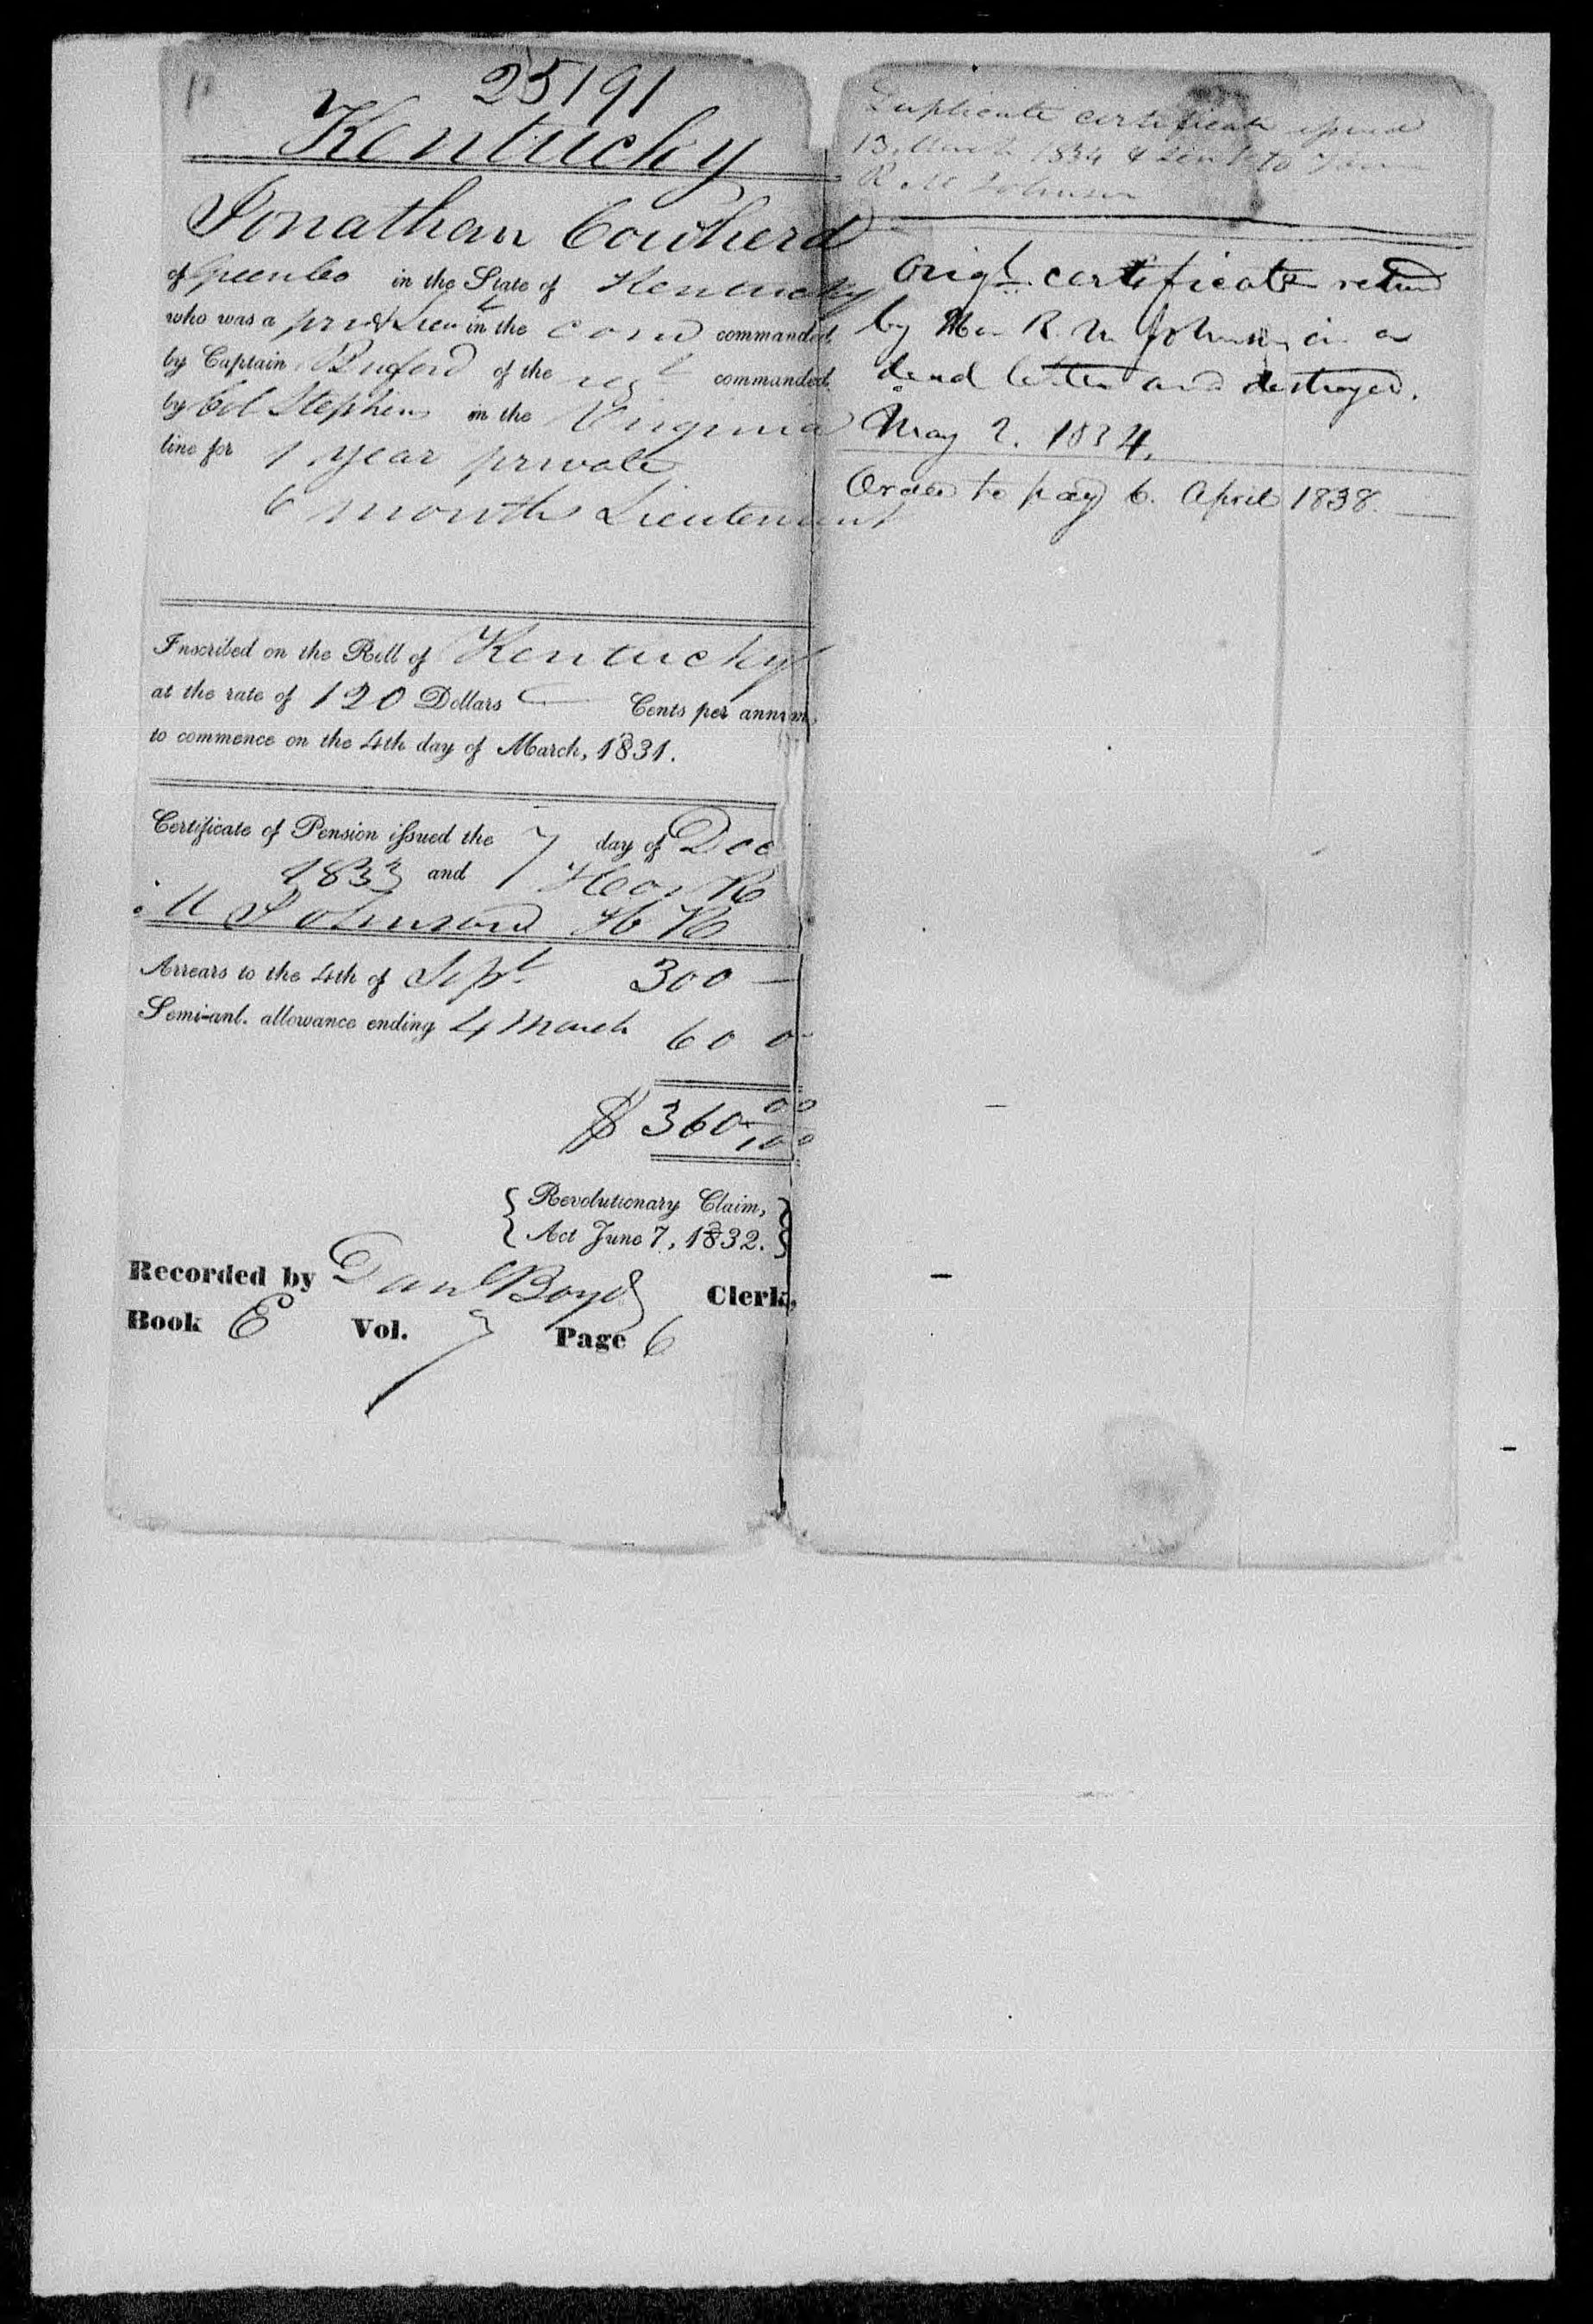25191
Duplicate certificate March 13 1834 and sent to Rose Johnson
Original certificate returned by M Ron Johnson in a dead letter and destroyed May 2, 18034
Jonathan Cowherd
of Greenleo in the State of Kentucky 13, 
who was a  private in the  Corm commanded 
by Captain Buford of the  of the  commanded
by Col Stephens in the Virginia 
line for 1 year private
6 months  Lieutenant
____________________________________________
Inscribed on the Roll of Kentucky
at the rate of 120 Dollars ---Cents per annon
to commence on the 4th day of March 1834.
____________________________________________
Certificate of Pension issued on 7 day of Dec
1883 and  (illegible)
____________________________________________

Arrears to the 4th of Sept                     300-
Semi-amt. allowance ending 4 March  60
                                                                  ____
                                                                 $360 .00 
                                                                          ------
                                                                           100

                                  {Revolutionary Claim }
                                  {Act June 7, 1832        }
Recorded by Daniel Boyd  Clerk,
Book E      Vol.  7       Page 6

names: Stephens, R M Johnson, Buford, Jonathan Cowherd, R M Johnson, Danl Boyd, R M Johnson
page: 2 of 46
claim: widow's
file: W 8619, Jonathan Cowherd, Va.